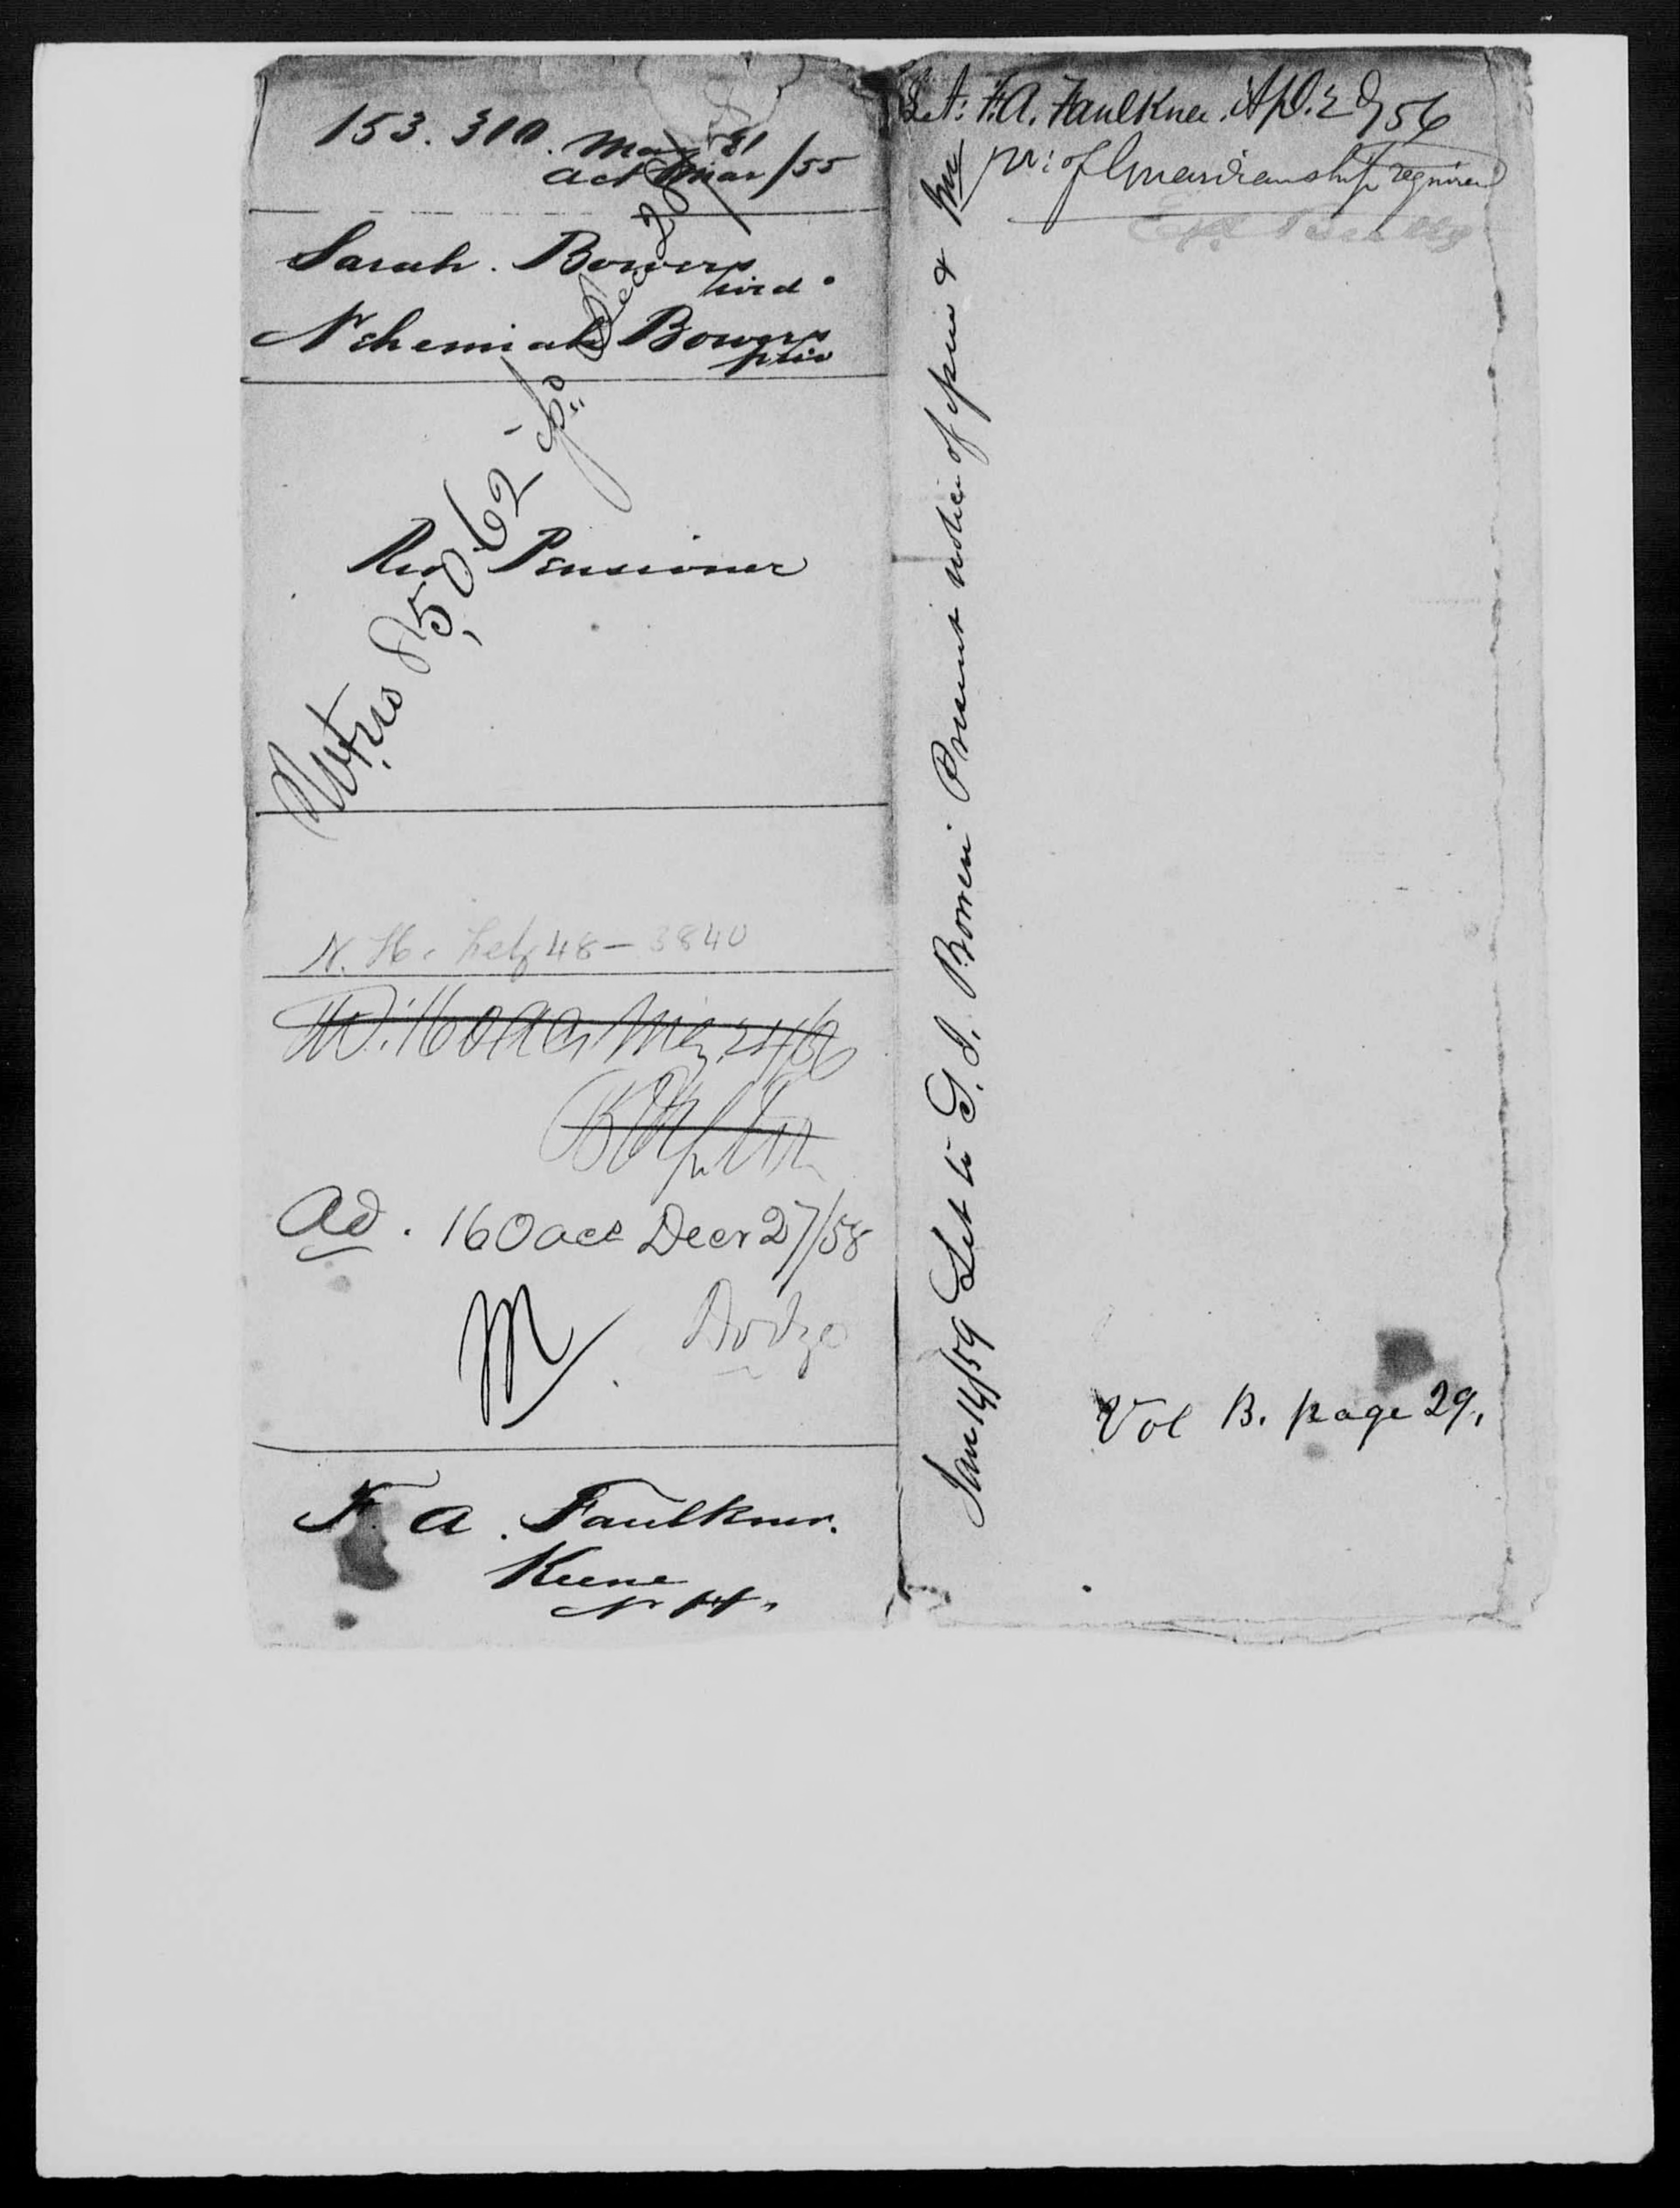153.310 May 31 Act of Mar/55
Sarah Bowers Wid.
Nehemiah Bowers priv
Rev Pensioner
[text diagonal across the above:] [illegible] $50.62 pd. Dec. 20/58
[end diagonal]

N. H. hely [?] 48-3840

[crossed out text illegible]

Ad 60 acr [?] Decr. 27/58
M [illegible]

F. A. Faulkner
Keene N.H. 

[right side:]
Lett: F. A. Faulkner Apl. 2d. 56
Pr. of [illegible] required
E. A. Bealls

[along left edge:]
Jan 14/59 Let to S. J. Bowers Present notice of [illegible] & [illegible]
[end of edge]

Vol B [13?] Page 29.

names: S J Bowen, F A Faulkner, Sarah Bowers, Nehemiah Bowers, F A Faulkner, E A Bealls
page: 2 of 42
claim: widow's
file: W. 23,652, Nehemiah Bowers, Mass.